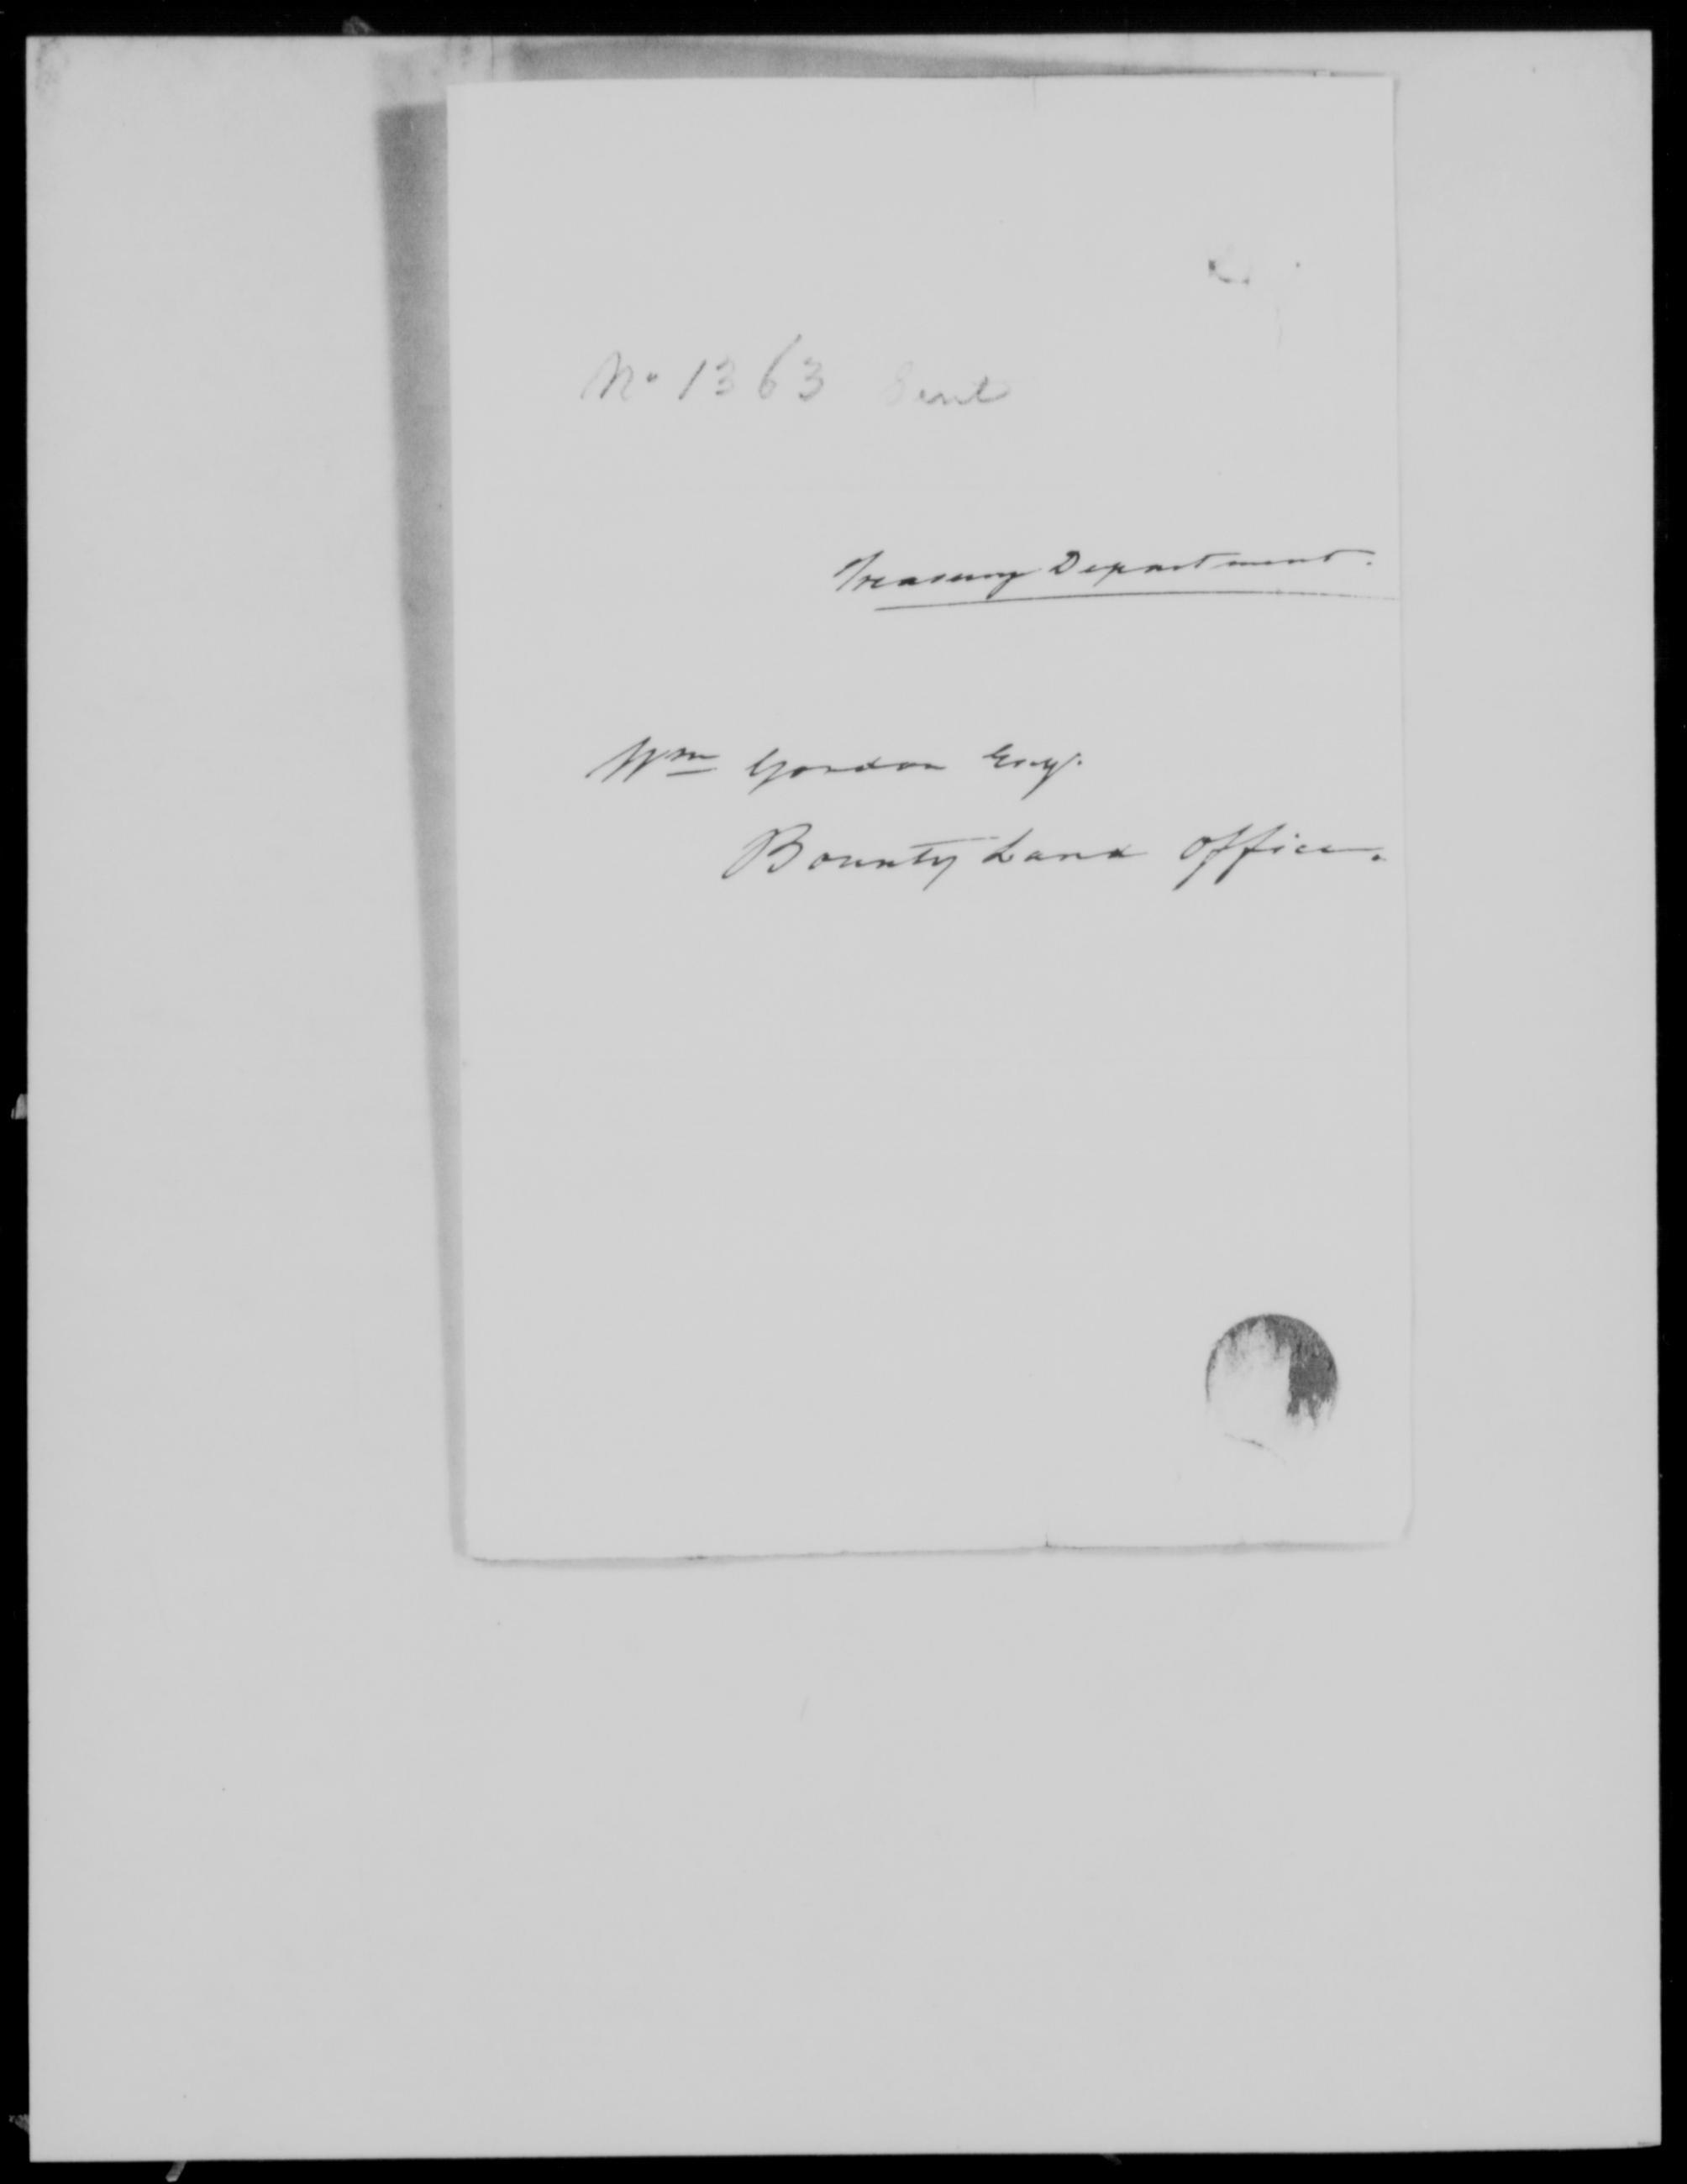No 1363 Sent
Treasury Department
Wm Gordon Esq.
Bounty Land Office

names: Wm Gordon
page: 4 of 8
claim: bounty land warrant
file: B. L. Wt. 1363-100, John Williams, Md.